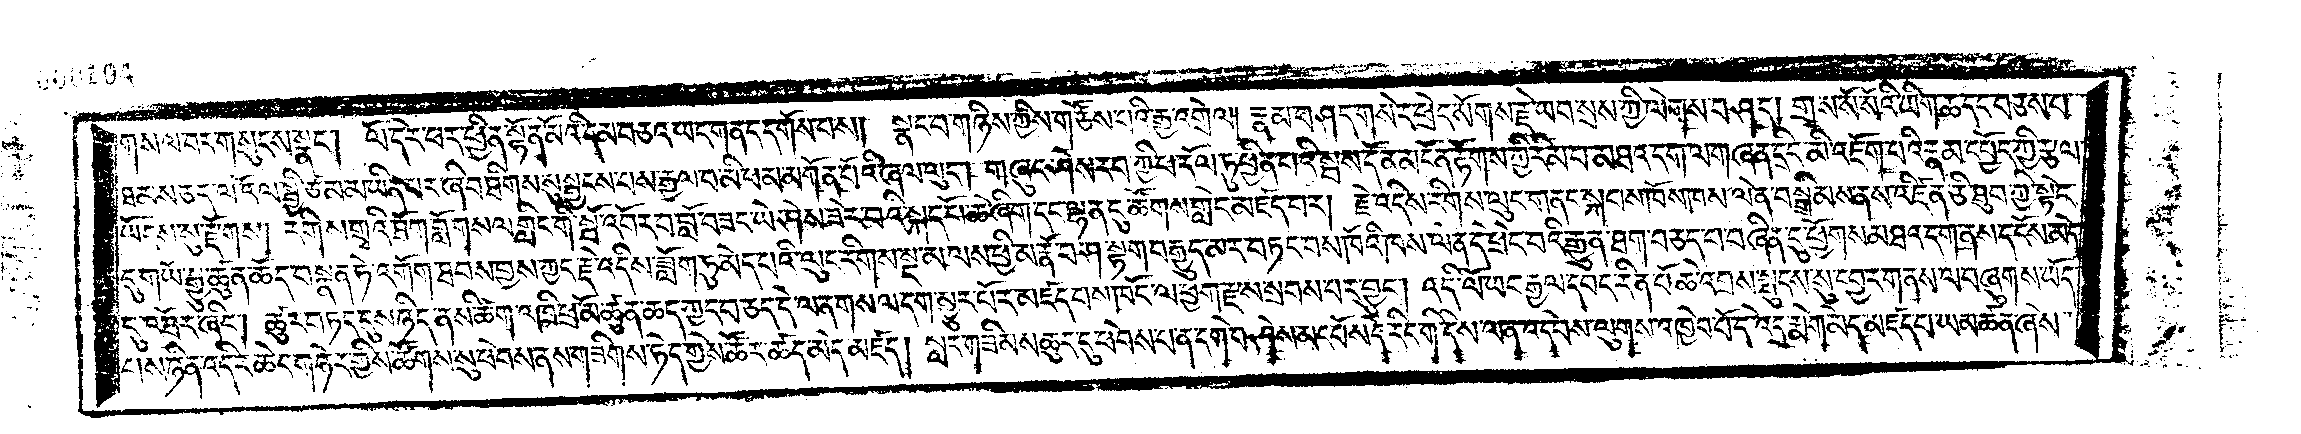གསལ་བར་གསུངས་སྣང་། ལོ་དེར་ཕར་ཕྱིན་སྟོན་མོའི་དམ་བཅའ་ཡང་གནང་དགོས་པས། སྣང་བ་གཉིས་ཀྱིས་གཙོས་བའི་རྒྱ་འགྲེལ། རྣམ་བཤད་གསེར་ཕྲེང་སོགས་རྗེ་ཡབ་སྲས་ཀྱི་ལེགས་བཤད། གྲྭ་ས་སོ་སོའི་ཡིག་ཆ་དང་བཅས་པ་
ཐམས་ཅད་ལ་འོལ་སྤྱི་ཙམ་མ་ཡིན་པར་ཞིབ་ཐིགས་སུ་སྦྱངས་པས་རྒྱལ་བ་མི་ཕམ་མགོན་པོའི་ཞལ་ལུང་། གཞུང་ཤེས་པ༆་འ༄༅༅འི་ལུགས་ཀྱི་དྲང་ངེས་ཀྱི་རྣམ་བཞག་སྟོན་པའི་རང་གཞུང་མཐའ་དག་ལ་ཞིབ་ཏུ་སྦྱངས་པས་སོ་སོ་ནས་གསུང་རབ་ཀྱི་དགོངས་པ་འགྲེལ་ཚུལ་མི་འདྲ་བའི་རིགས་པའི་གནད་ཕྲ་མོ་ཀུན་ལ་མི་འཆུག་པའི་གཟེར་ཐེབས།
སྟོན་ཕུར་བུ་ལྕོག་ཏུ་འཇམ་མགོན་བླ་མའི་བཤད་སྒྲུབ་བསྟན་པ་ཡོངས་ཀྱི་སྲོག་ཤིང་གཅིག་པུར་གྱུར་པ་རྗེ་གྲུབ་པའི་དབང་ཕྱུག་ངག་དབང་བྱམས་པའི་ཞབས་དྲུང་ནས་བྱང་ཆུབ་བདེ་ལམ་གྱི་ཉམས་ཁྲིད་སྨིན་རྒྱས་སུ་གསན་པས་གསུང་
རབ་མཐའ་ངག་སྐྱེས་བུ་གསུམ་གྱི་ལམ་གྱི་རིམ་པར་བསྡུས་ཏེ་གང་ཟག་གཅིག་འཚང་རྒྱ་བའི་ཆ་རྐྱེན་དུ་འགྲོ་ཚུལ་ལ་གཏིང་ཚུགས་པའི་ངེས་ཤེས་དང་ཉམས་མྱོང་ཁྱད་པར་ཅན་འཁྲུངས། དེའི་མཇུག་ཏུ་བསྐྱེད་རྫོགས་ཀྱི་ཁྲིད་ཀྱང་ལེགས་
པར་གསན། འདི་ལོ་དགེ་བའི་བཤེས་གཉེན་ཀླུ་འབུམ་བློ་བཟང་དར་རྒྱས་མཚན་སྒྲོགས་ཀྱི་མཁན་སར་བྱོན་པས་རིགས་པའི་དབང་ཕྱུག་རྒྱ་སེང་གེ་དགེ་རྒན་དུ་བསྟེན། མཚན་སྒྲོགས་མཁན་རིན་པོ་ཆེར་སྣར་ཐང་བརྒྱ་རྩ་སོགས་ཀྱི་བཀའ་ཆོས་